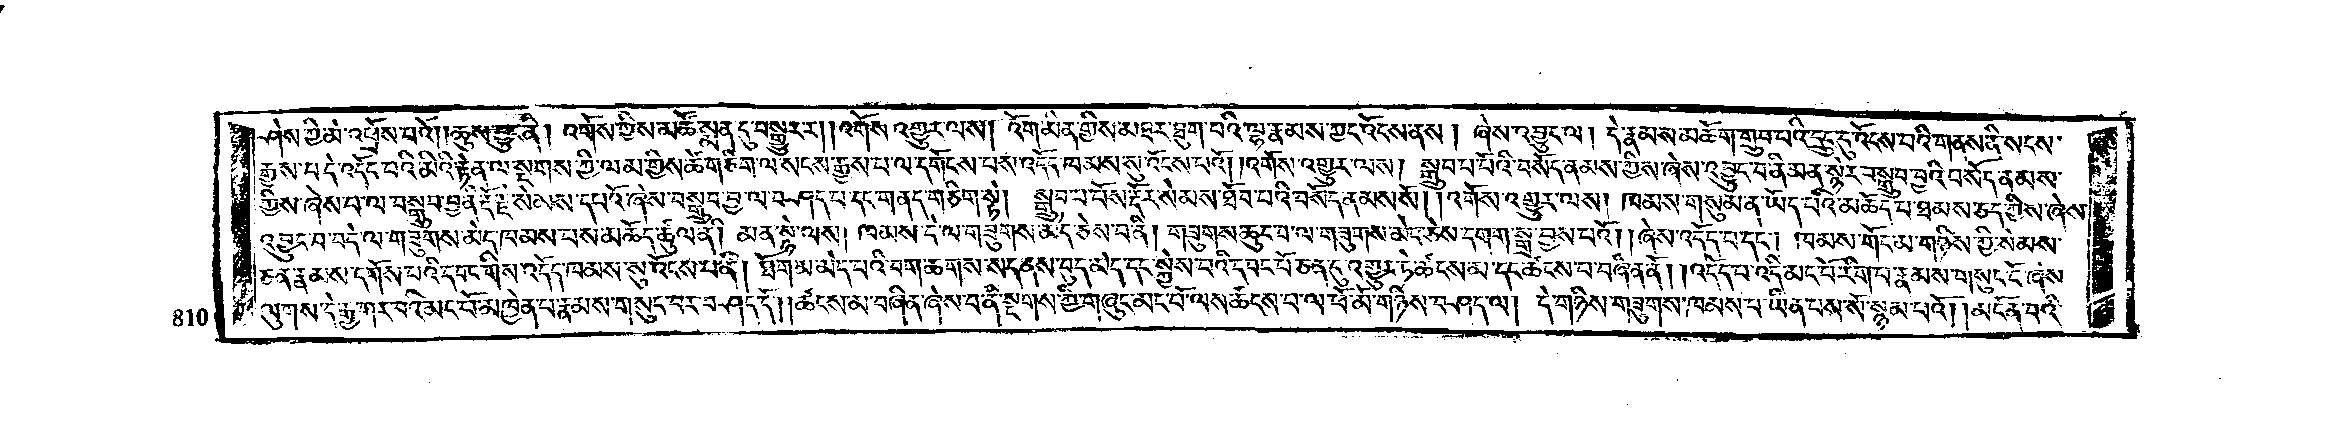ཤེས་ཀྱི་མེ་འཕྲོས་པའོ། །ཆུས་བྱུང་ནི། འགོས་ཀྱིས་མཚོ་སྨན་དུ་བསྒྱུར་རོ། །འགོས་འགྱུར་ལས། འོག་མིན་གྱིས་མཐར་ཐུག་པའི་ལྷ་རྣམས་ཀྱང་འོངས་ནས། ཞེས་འབྱུང་ལ། དེ་རྣམས་མཆོག་གྲུབ་པའི་དྲུང་དུ་འོངས་པའི་གནས་ནི་སངས་
རྒྱས་པ་དེ་འདོད་པའི་མིའི་རྟེན་ལ་སྔགས་ཀྱི་ལམ་གྱིས་ཚེ་གཅིག་ལ་སངས་རྒྱས་པ་ལ་དགོངས་པས་འདོད་ཁམས་སུ་འོངས་པའོ། །འགོས་འགྱུར་ལས། སྒྲུབ་པ་པོའི་བསོད་ནམས་ཀྱིས་ཞེས་འབྱུང་བ་ནི་མན་སྙེར་བསྒྲུབ་བྱའི་བསོད་ནམས་
ཀྱིས་ཞེས་པ་ལ་བསྒྲུབ་བྱ་ནི་རྡོ་རྗེ་སེམས་དཔའོ་ཞེས་བསྒྲུབ་བྱ་ལ་བཤད་པ་དང་གནད་གཅིག་སྟེ། སྒྲུབ་པ་པོས་རྡོར་སེམས་ཐོབ་པའི་བསོད་ནམས་སོ། །འགོས་འགྱུར་ལས། ཁམས་གསུམ་ན་ཡོད་པའི་མཆོད་པ་ཐམས་ཅད་ཀྱིས་ཞེས་
འབྱུང་བ་བདེ་ལ་གཟུགས་མེད་ཁམས་པས་མཆོད་ཚུལ་ནི། མན་སྙེ་ལས། ཁམས་དེ་ལ་གཟུགས་མེད་ཅེས་པ་ནི། གཟུགས་ཆུང་བ་ལ་གཟུགས་མེད་ཅེས་དགག་སྒྲ་བྱས་པའོ། །ཞེས་འདོད་པ་དང་། ཁམས་གོང་མ་གཉིས་ཀྱི་སེམས་
ཅན་རྣམས་དགོས་པའི་དབང་གིས་འདོད་ཁམས་སུ་འོངས་པ་ནི། ཐོག་མ་མེད་པའི་བག་ཆགས་སད་ནས་བུད་མེད་དང་སྐྱེས་པའི་དབང་པོ་ཅན་དུ་འགྱུར་ཏེ་ཚངས་མ་དང་ཚངས་པ་བཞིན་ནོ། །འདོད་པ་འདི་མང་པོ་རིག་པ་རྣམས་གསུང་ངོ་ཞེས་
ལུགས་དེ་རྒྱ་གར་བའི་མང་པོ་མཁྱེན་པ་རྣམས་གསུང་བར་བཤད་དོ། །ཚངས་མ་བཞིན་ཞེས་པ་ནི་སྔགས་ཀྱི་གཞུང་མང་པོ་ལས་ཚངས་པ་ལ་ཕོ་མོ་གཉིས་བཤད་ལ། དེ་གཉིས་གཟུགས་ཁམས་པ་ཡིན་པས་སོ་སྙམ་པའོ། །མངོན་པའི་